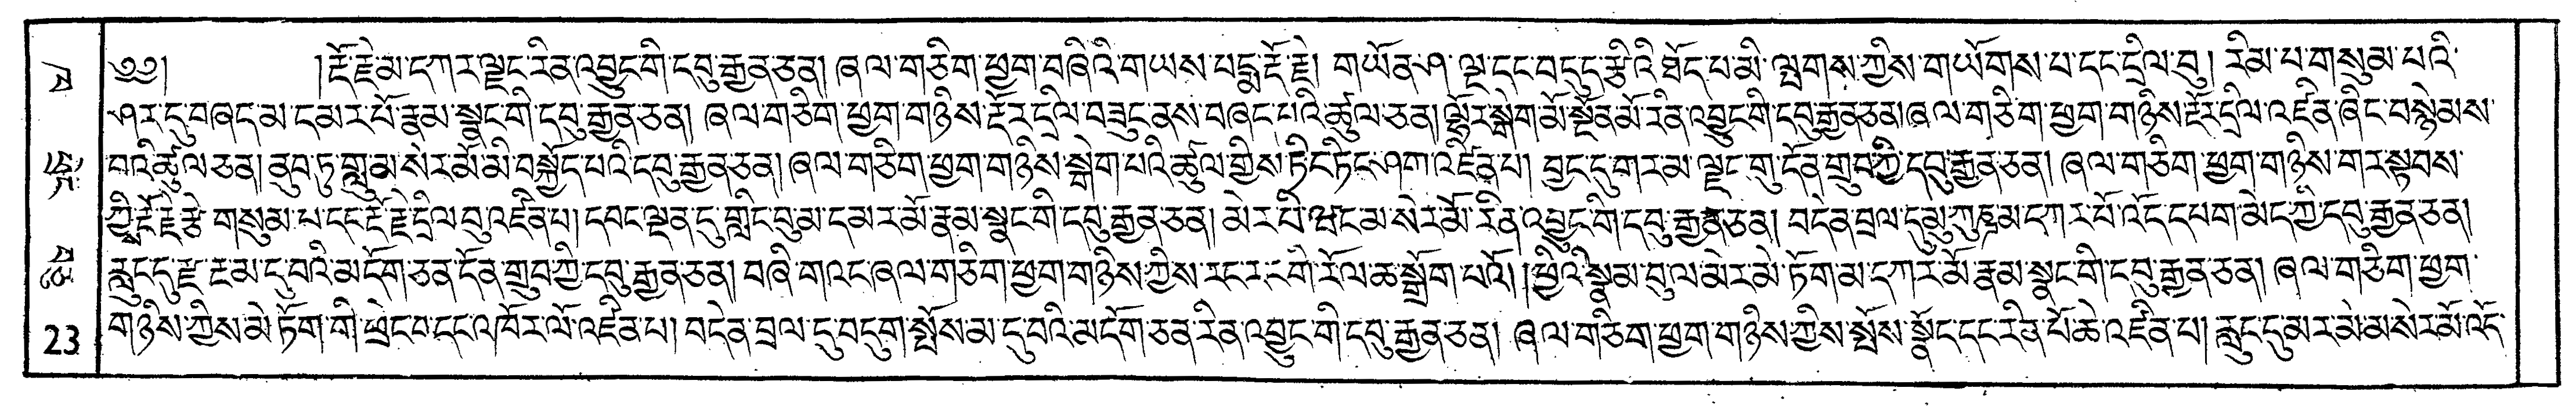༄༅། །རྡོ་རྗེ་མ་དཀར་ལྗང་རིན་འབྱུང་གི་དབུ་རྒྱན་ཅན། ཞལ་གཅིག་ཕྱག་བཞིའི་གཡས་པདམ་རྡོ་རྗེ། གཡོན་ཤ་ལྔ་དང་བདུད་རྩིའི་ཐོད་པ་མི་ལྤགས་ཀྱིས་གཡོགས་པ་དང་དྲིལ་བུ། རིམ་པ་གསུམ་པའི་
ཤར་དུ་བཞད་མ་དམར་པོ་རྣམ་སྣང་གི་དབུ་རྒྱན་ཅན། ཞལ་གཅིག་ཕྱག་གཉིས་རྡོར་དྲིལ་བཟུང་ནས་བཞད་པའི་ཚུལ་ཅན། ལྷོར་སྒེག་མོ་སྔོན་མོ་རིན་འབྱུང་གི་དབུ་རྒྱན་ཅན། ཞལ་གཅིག་ཕྱག་གཉིས་རྡོར་དྲིལ་འཛིན་ཞིང་བསྙེམས་
བའི་ཚུལ་ཅན། ནུབ་ཏུ་གླུ་མ་སེར་མོ་མི་བསྐྱོད་པའི་དབུ་རྒྱན་ཅན། ཞལ་གཅིག་ཕྱག་གཉིས་སྒེག་པའི་ཚུལ་གྱིས་ཏིང་ཏིང་ཤག་འཛིན་པ། བྱང་དུ་གར་མ་ལྗང་གུ་དོན་གྲུབ་ཀྱི་དབུ་རྒྱན་ཅན། ཞལ་གཅིག་ཕྱག་གཉིས་གར་སྟབས་
ཀྱིས་རྡོ་རྗེ་རྩེ་གསུམ་པ་དང་རྡོ་རྗེ་དྲིལ་བུ་འཛིན་པ། དབང་ལྡན་དུ་གླིང་བུ་མ་དམར་མོ་རྣམ་སྣང་གི་དབུ་རྒྱན་ཅན། མེར་པི་ཝང་མ་སེར་མོ་རིན་འབྱུང་གི་དབུ་རྒྱན་ཅན། བདེན་བྲལ་དུ་མུ་ཀུཎྜ་མ་དཀར་པོ་འོད་དཔག་མེད་ཀྱི་དབུ་རྒྱན་ཅན།
རླུང་དུ་རྫ་རྔ་མ་དུ་བའི་མདོག་ཅན་དོན་གྲུབ་ཀྱི་དབུ་རྒྱན་ཅན། བཞི་གའང་ཞལ་གཅིག་ཕྱག་གཉིས་ཀྱིས་རང་རང་གི་རོལ་ཆ་སྒྲོག་པའོ། །ཕྱིའི་སྣམ་བུ་ལ་མེར་མེ་ཏོག་མ་དཀར་མོ་རྣམ་སྣང་གི་དབུ་རྒྱན་ཅན། ཞལ་གཅིག་ཕྱག་
གཉིས་ཀྱིས་མེ་ཏོག་གི་ཕྲེང་བ་དང་འཁོར་ལོ་འཛིན་པ། བདེན་བྲལ་དུ་བདུག་སྤོས་མ་དུ་བའི་མདོག་ཅན་རིན་འབྱུང་གི་དབུ་རྒྱན་ཅན། ཞལ་གཅིག་ཕྱག་གཉིས་ཀྱིས་སྤོས་སྣོད་དང་རིན་པོ་ཆེ་འཛིན་པ། རླུང་དུ་མར་མེ་མ་སེར་མོ་འོད་